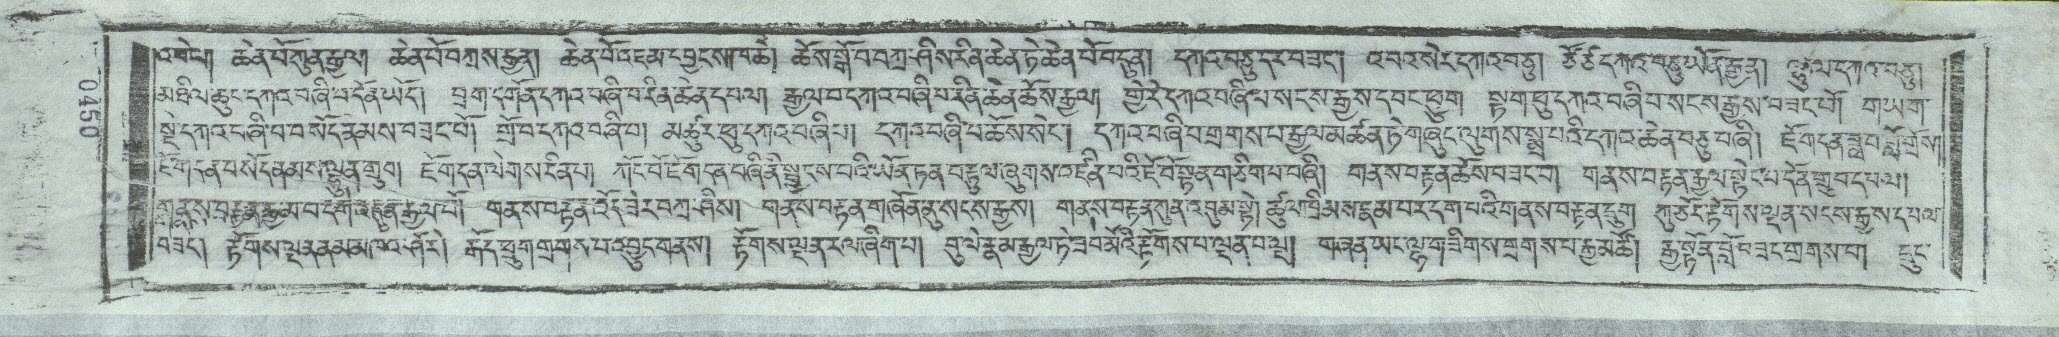འཕེལ། ཆེན་པོ་ཀུན་རྒྱལ། ཆེན་པོ་བཀྲས་རྒྱན། ཆེན་པོ་འཇམ་དབྱངས་ཁ་ཆེ། ཆོས་སྒོ་བ་བཀྲ་ཤིས་རིན་ཆེན་ཏེ་ཆེན་པོ་བདུན། དཀའ་བཅུ་དར་བཟང་། འབའ་སེར་དཀའ་བཅུ། ཙོ་ཙ་དཀའ་བཅུ་ཡོན་རྒྱན། ལྷུ་ལ་དཀའ་བཅུ།
མཐིལ་ཆུང་དཀའ་བཞི་པ་དོན་ཡོད། བྲག་དགོན་དཀའ་བཞི་པ་རིན་ཆེན་དཔལ། རྒྱལ་བ་དཀའ་བཞི་པ་རིན་ཆེན་ཆོས་རྒྱལ། གྱེ་རེ་དཀའ་བཞི་པ་སངས་རྒྱས་དབང་ཕྱུག་སྟག་ཕུ་དཀའ་བཞི་པ་སངས་རྒྱས་བཟང་པོ། གཡག་
སྡེ་དཀའ་བཞི་པ་བསོད་ནམས་བཟང་པོ། གྲོ་བ་དཀའ་བཞི་པ། མཚུར་ཕུ་དཀའ་བཞི་པ། དཀའ་བཞི་པ་ཆོས་སེང་། དཀའ་བཞི་བ་གྲགས་པ་རྒྱལ་མཚན་ཏེ་གཞུང་ལུགས་སྨྲ་པའི་དཀའ་ཆེན་བཅུ་བཞི། ཇོ་གདན་ཟླ་བ་བློ་གྲོས།
ཇོ་གདན་བསོད་ནམས་ལྷུན་གྲུབ། ཇོ་གདན་ལེགས་རིན་པ། ཀོང་བོ་ཇོ་གདན་བཞི་ནི་སྦྱངས་པའི་ཡོན་ཏན་བརྟུལ་ཞུགས་འཛིན་པའི་ཇོ་བོ་སྟན་གཅིག་པ་བཞི། གནས་བརྟན་ཆོས་བཟང་བ། གནས་བརྟན་རྒྱལ་སྟེང་པ་དོན་གྲུབ་དཔལ།
གནས་བརྟན་རྒྱ་མ་བ་དག་འདུན་རྒྱལ་པོ། གནས་བརྟན་འོད་ཟེར་བཀྲ་ཤིས། གནས་བརྟན་གཞོན་ནུ་སངས་རྒྱས། གནས་བརྟན་ཀུན་འབུམ་སྟེ། ཚུལ་ཁྲིམས་རྣམ་པར་དག་པའི་གནས་བརྟན་དྲུག་ཀུ་ཅོར་རྟོགས་ལྡན་སངས་རྒྱས་དཔལ་
བཟང་། རྟོགས་ལྡན་ནམ་མཁའ་ཤོ་རེ། རྒོད་ཕྲུག་གྲགས་པ་འབྱུང་གནས། རྟོགས་ལྡན་རལ་ཞིག་པ། བུ་ལེ་རྣམ་རྒྱལ་ཏེ་ཟབ་མོའི་རྟོགས་པ་ལྡན་པ་ལྔ། གཞན་ཡང་ལྷ་གཟིགས་གྲགས་པ་རྒྱ་མཚོ། རྒྱ་སྟོན་བློ་བཟང་གྲགས་བ། དྲུང་